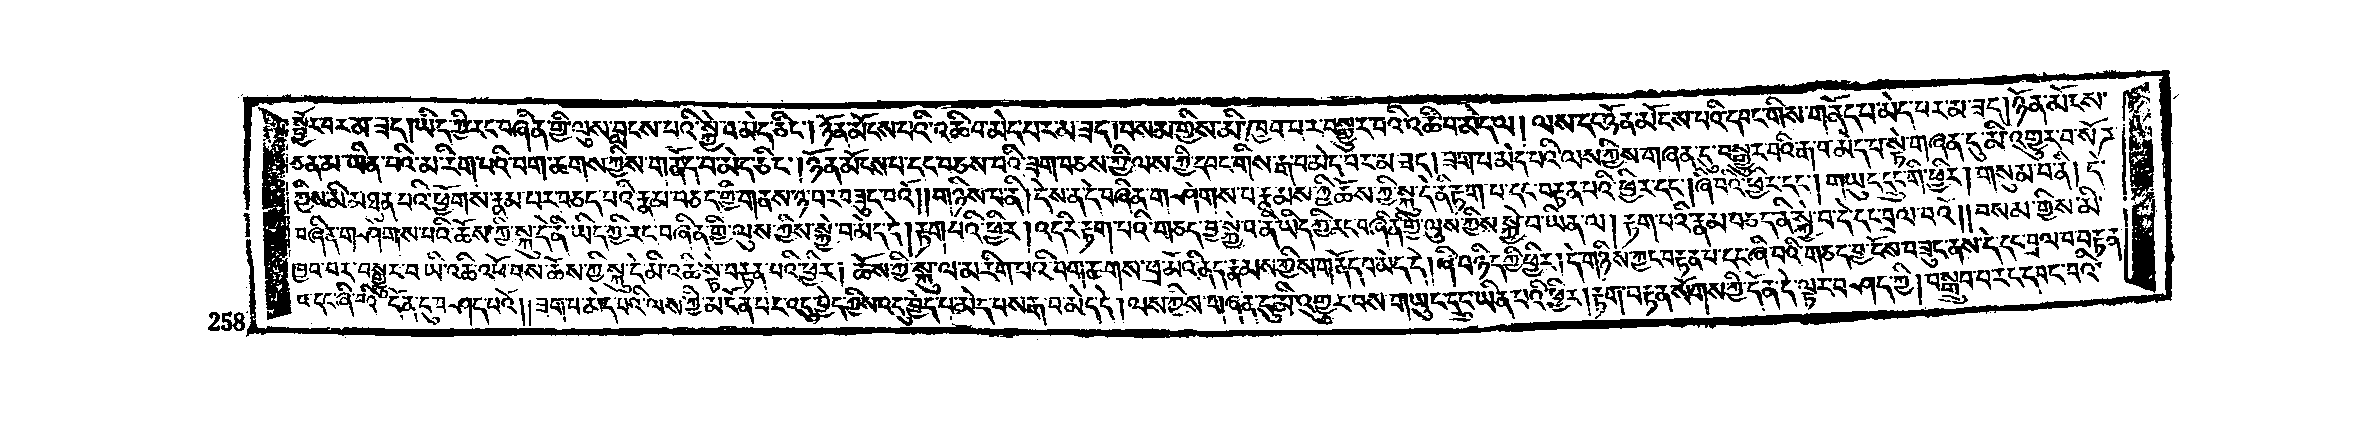སྦྱོར་བར་མ་ཟད། ཡིད་ཀྱི་རང་བཞིན་གྱི་ལུས་བླངས་པའི་སྐྱེ་བ་མེད་ཅིང་། ཉོན་མོངས་པའི་འཆི་བ་མེད་པར་མ་ཟད། བསམ་གྱིས་མི་ཁྱབ་པར་བསྒྱུར་བའི་འཆི་བ་མེད་ལ། ལས་དང་ཉོན་མོངས་པའི་དབང་གིས་གནོད་པ་མེད་པར་མ་ཟད། ཉོན་མོངས་
ཅན་མ་ཡིན་པའི་མ་རིག་པའི་བག་ཆགས་ཀྱིས་གནོད་པ་མེད་ཅིང་། ཉོན་མོངས་པ་དང་བཅས་པའི་ཟག་བཅས་ཀྱི་ལས་ཀྱི་དབང་གིས་རྒ་བ་མེད་པར་མ་ཟད། ཟག་པ་མེད་པའི་ལས་ཀྱིས་གཞན་དུ་བསྒྱུར་པའི་རྒ་བ་མེད་པ་སྟེ་གཞན་དུ་མི་འགྱུར་བ་སོགས་
ཀྱིས་མི་མཐུན་པའི་ཕྱོགས་རྣམ་པར་བཅད་པའི་རྣམ་བཅད་ཀྱི་གནས་ཉ་བར་བཟུང་བའོ། །གཉིས་པ་ནི། དེས་ན་དེ་བཞིན་གཤེགས་པ་རྣམས་ཀྱི་ཆོས་ཀྱི་སྐུ་དེ་ནི་རྟག་པ་དང་བརྟན་པའི་ཕྱིར་དང་། ཞི་བའི་ཕྱིར་དང་། གཡུང་དྲུང་གི་ཕྱིར། གསུམ་པ་ནི། དེ་
བཞིན་གཤེགས་པའི་ཆོས་ཀྱི་སྐུ་དེ་ནི་ཡིད་ཀྱི་རང་བཞིན་གྱི་ལུས་ཀྱིས་སྐྱེ་བ་མེད་དེ། རྟག་པའི་ཕྱིར། འདིར་རྟག་པའི་གཅད་བྱ་སྐྱེ་བ་ནི་ཡིད་ཀྱི་རང་བཞིན་གྱི་ལུས་ཀྱིས་སྐྱེ་བ་ཡིན་ལ། རྟག་པའི་རྣམ་བཅད་ནི་སྐྱེ་བ་དེ་དང་བྲལ་བའོ། །བསམ་གྱིས་མི་
ཁྱབ་པར་བསྒྱུར་བ་ཡི་འཆི་འཕོ་བས་ཆོས་ཀྱི་སྐུ་དེ་མི་འཆི་སྟེ་བརྟན་པའི་ཕྱིར། ཆོས་ཀྱི་སྐུ་ལ་མ་རིག་པའི་བག་ཆགས་ཕྲ་མོའི་ནད་རྣམས་ཀྱིས་གནོད་པ་མེད་དེ། ཞི་བ་ཉིད་ཀྱི་ཕྱིར། དེ་གཉིས་ཀྱང་བརྟན་པ་དང་ཞི་བའི་གཅད་བྱ་ངོས་བཟུང་ནས་དེ་དང་བྲལ་བ་བརྟན་
པ་དང་ཞི་བའི་དོན་དུ་བཤད་པའོ། །ཟག་པ་མེད་པའི་ལས་ཀྱི་མངོན་པར་འདུ་བྱེད་ཀྱིས་འདུ་བྱེད་པ་མེད་པས་རྒ་བ་མེད་དེ། ལས་ཀྱིས་གཞན་དུ་མི་འགྱུར་བས་གཡུང་དྲུང་ཡིན་པའི་ཕྱིར། རྟག་བརྟན་སོགས་ཀྱི་དོན་དེ་ལྟར་བཤད་ཀྱི། བསྒྲུབ་པ་རང་དབང་བའི་